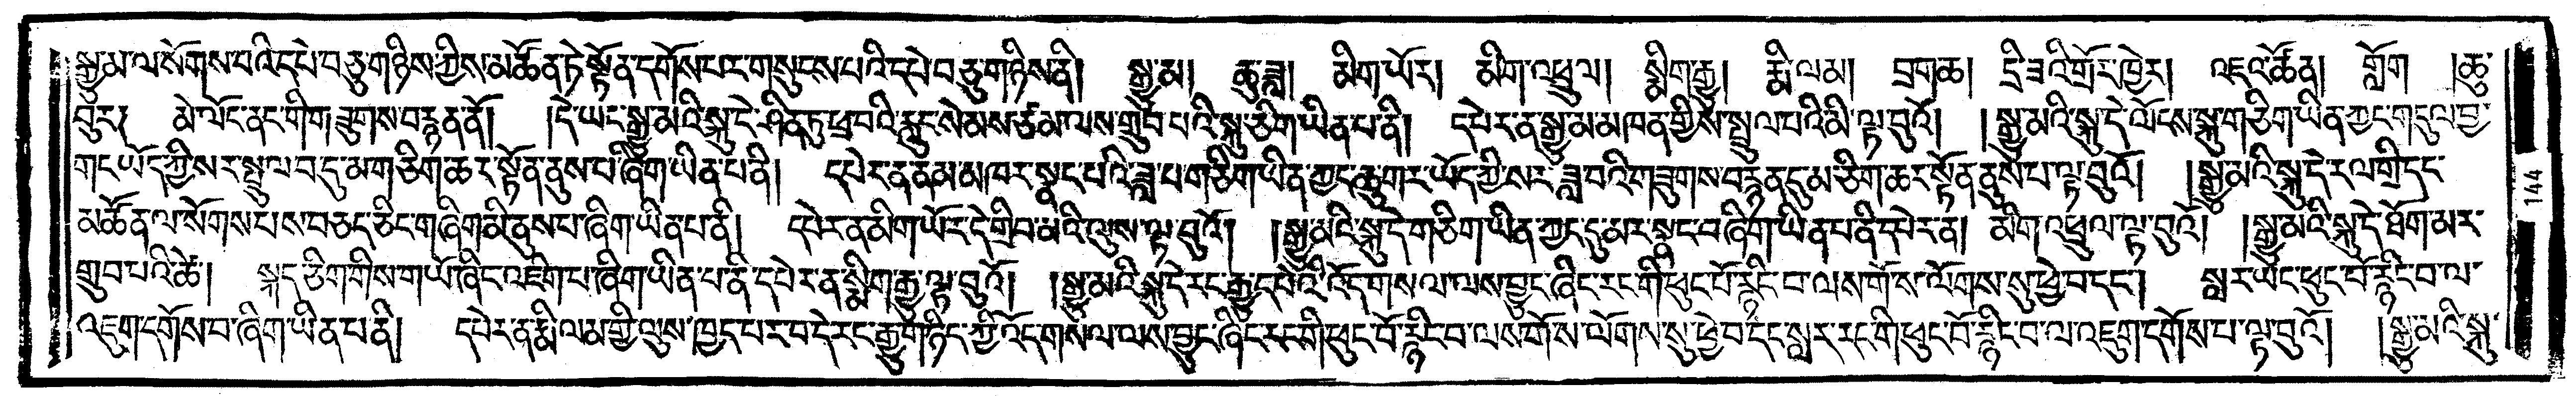སྒྱུ་མ་ལ་སོགས་པའི་དཔེ་བཅུ་གཉིས་ཀྱིས་མཚོན་ཏེ་སྟོན་དགོས་པར་གསུངས་པའི་དཔེ་བཅུ་གཉིས་ནི། སྒྱུ་མ། ཆུ་ཟླ། མིག་ཡོར། མིག་འཕྲུལ། སྨིག་རྒྱུ། རྨི་ལམ། བྲག་ཆ། དྲི་ཟའི་གྲོར་ཁྱེར། འཇའ་ཚོན། གློག །ཆུ་
བུར༑ མེ་ལོང་ནང་གི་གཟུགས་བརྙན་ནོ། །དེ་ཡང་སྒྱུ་མའི་སྐུ་དེ་ཤིན་ཏུ་ཕྲ་བའི་རླུང་སེམས་ཙམ་ལས་གྲུབ་པའི་སྐུ་ཅིག་ཡིན་པ་ནི། དཔེར་ན་སྒྱུ་མ་མཁན་གྱིས་སྤྲུལ་བའི་མི་ལྟ་བུའོ། །སྒྱུ་མའི་སྐུ་དེ་ལོངས་སྐུ་གཅིག་ཡིན་ཀྱང་གདུལ་བྱ་
གང་ཡོད་ཀྱི་སར་སྤྲུལ་བ་དུ་མ་གཅིག་ཆར་སྟོན་ནུས་པ་ཞིག་ཡིན་པ་ནི། དཔེར་ན་ནམ་མཁར་སྣང་བའི་ཟླ་བ་གཅིག་ཡིན་ཀྱང་ཆུ་གར་ཡོད་ཀྱི་སར་ཟླ་བའི་གཟུགས་བརྙན་དུ་མ་ཅིག་ཆར་སྟོན་ནུས་པ་ལྟ་བུའོ། །སྒྱུ་མའི་སྐུ་དེ་རལ་གྲི་དང་
མཚོན་ལ་སོགས་པས་བཅད་ཅིང་གཞིག་མི་ནུས་པ་ཞིག་ཡིན་པ་ནི། དཔེར་ན་མི་གཡོར་དེ་གྲིབ་མའི་ལུས་ལྟ་བུའོ། །སྒྱུ་མའི་སྐུ་དེ་གཅིག་ཡིན་ཀྱང་དུ་མར་སྣང་བཞིག་ཡིན་པ་ནི་དཔེར་ན། མིག་འཕྲུལ་ལྟ་བུའོ། །སྒྱུ་མའི་སྐུ་དེ་ཐོག་མར་
གྲུབ་པའི་ཚེ། སྐད་ཅིག་གིས་གཡོ་ཞིང་འཇིག་པ་ཞིག་ཡིན་པ་ནི་དཔེར་ན་སྨིག་རྒྱུ་ལྟ་བུའོ། །སྒྱུ་མའི་སྐུ་དེ་རང་རྒྱུ་དཔེའི་འོད་གསལ་ལས་བྱུང་ཞིང་རང་གི་ཕུང་པོ་རྙིང་བ་ལས་གོས་ལོགས་སུ་ཕྱེ་བ་དང་། སླར་ཡང་ཕུང་པོ་རྙིང་བ་ལ་
འཇུག་དགོས་པ་ཞིག་ཡིན་པ་ནི། དཔེར་ན་རྨི་ལམ་གྱི་ལུས་ཁྱད་པར་བདེ་རང་རྒྱུ་གཉིད་ཀྱི་འོད་གསལ་ལས་བྱུང་ཞིང་རང་གི་ཕུང་པོ་རྙིང་བ་ལ་སོགས་ལོགས་སུ་ཕྱེ་བ་དང་སླར་རང་གི་ཕུང་བོ་རྙིང་བ་ལ་འཇུག་དགོས་པ་ལྟ་བུའོ། །སྒྱུ་མའི་སྐུ་